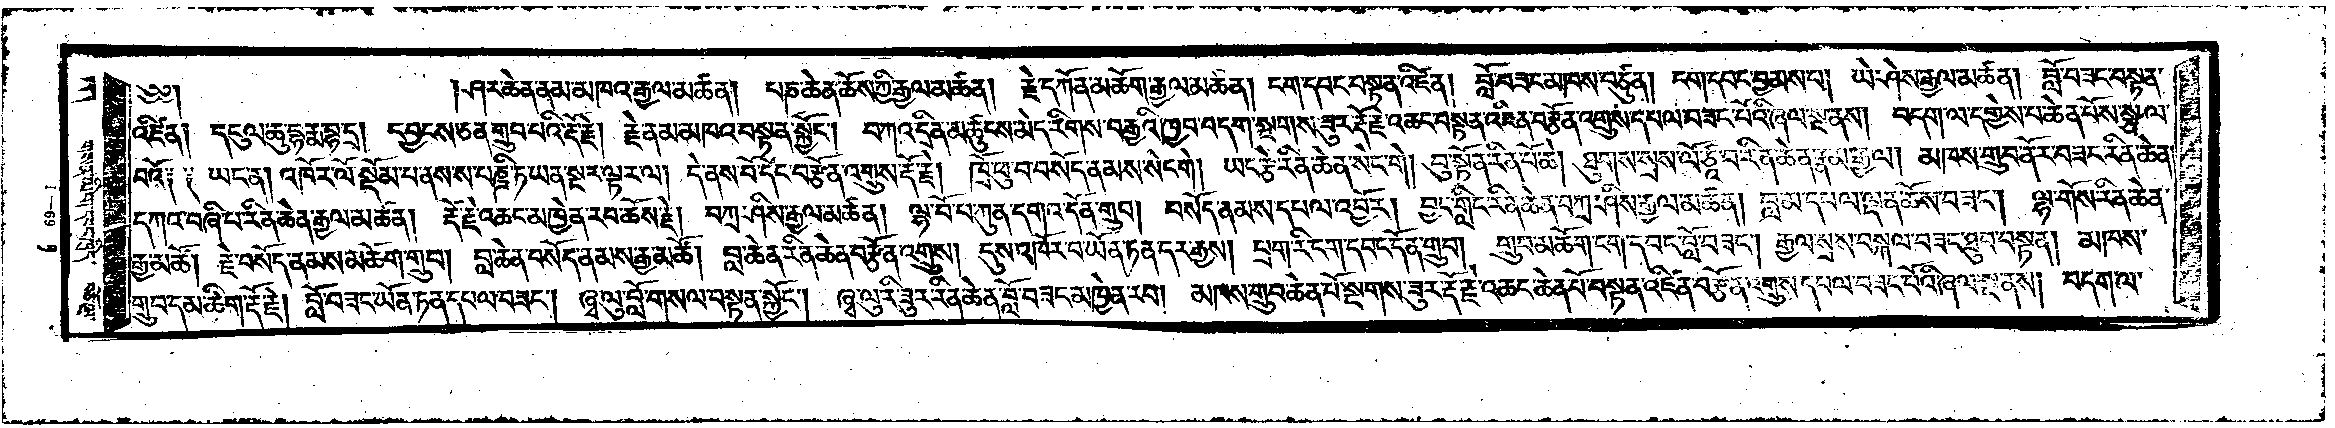༄༅། །ཤར་ཆེན་ནམ་མཁའ་རྒྱལ་མཚན། པཎ་ཆེན་ཆོས་ཀྱི་རྒྱལ་མཚན། རྗེ་དཀོན་མཆོག་རྒྱལ་མཚན། ངག་དབང་བསྟན་འཛིན། བློ་བཟང་མཁས་བཙུན། ངག་དབང་བྱམས་པ། ཡེ་ཤེས་རྒྱལ་མཚན། བློ་བཟང་བསྟན་
འཛིན། དངུལ་ཆུ་དྷརྨ་བྷ་དྲ། དབྱངས་ཅན་གྲུབ་པའི་རྡོ་རྗེ། རྗེ་ནམ་མཁའ་བསྟན་སྐྱོང་། བཀའ་དྲིན་མཚུངས་མེད་རིགས་བརྒྱའི་ཁྱབ་བདག་སྔགས་ཟུར་རྡོ་རྗེ་འཆང་བསྟན་འཛིན་བརྩོན་འགྲུས་དཔལ་བཟང་པོའི་ཞལ་སྔ་ནས། བདག་ལ་དགྱེས་པ་ཆེན་པོས་སྩལ་
བའོ༑ ༑ཡང་ན། འཁོར་ལོ་སྡོམ་པ་ནས་ས་པཎྜི་ཏ་ཡན་སྔར་ལྟར་ལ། དེ་ནས་བོ་དེང་བརྩོན་འགྲུས་རྡོ་རྗེ། ཁྲོ་ཕུ་བ་བསོད་ནམས་སེང་གེ། ཡང་རྩེ་རིན་ཆེན་སེང་གེ། བུ་སྟོན་རིན་པོ་ཆེ། ཐུགས་སྲས་ལོ་ཙཱ་བ་རིན་ཆེན་རྣམ་རྒྱལ། མཁས་གྲུབ་ནོར་བཟང་རིན་ཆེན་
དཀའ་བཞི་པ་རིན་ཆེན་རྒྱལ་མཚན། རྡོ་རྗེ་འཆང་མཁྱེན་རབ་ཆོས་རྗེ། བཀྲ་ཤིས་རྒྱལ་མཚན། ལྷ་བོ་པ་ཀུན་དགའ་དོན་གྲུབ། བསོད་ནམས་དཔལ་འབྱོར། བྱང་གླིང་རིན་ཆེན་བཀྲ་ཤིས་རྒྱལ་མཚན། བླ་མ་དཔལ་ལྡན་ཆོས་བཟང་། ལྷ་གོས་རིན་ཆེན་
རྒྱ་མཚོ། རྗེ་བསོད་ནམས་མཆོག་གྲུབ། བླ་ཆེན་བསོད་ནམས་རྒྱ་མཚོ། བླ་ཆེན་རིན་ཆེན་བརྩོན་འགྲུས། དུས་འཁོར་བ་ཡོན་ཏན་དར་རྒྱས། བྲག་རིང་དབང་དོན་གྲུབ། གྲུབ་མཆོག་ངག་དབང་བློ་བཟང་། རྒྱལ་སྲས་བསྐལ་བཟང་ཐུབ་བསྟན། མཁས་
གྲུབ་དམ་ཚིག་རྡོ་རྗེ། བློ་བཟང་ཡོན་ཏན་དཔལ་བཟང་། ཞྭ་ལུ་བློ་གསལ་བསྟན་སྐྱོང་། ཞྭ་ལུ་རི་ཟུར་རིན་ཆེན་བློ་བཟང་མཁྱེན་རབ། མཁས་གྲུབ་ཆེན་པོ་སྔགས་ཟུར་རྡོ་རྗེ་འཆང་ཆེན་པོ་བསྟན་འཛིན་བརྩོན་འགྲུས་དཔལ་བཟང་པོའི་ཞལ་སྔ་ནས། བདག་ལ་